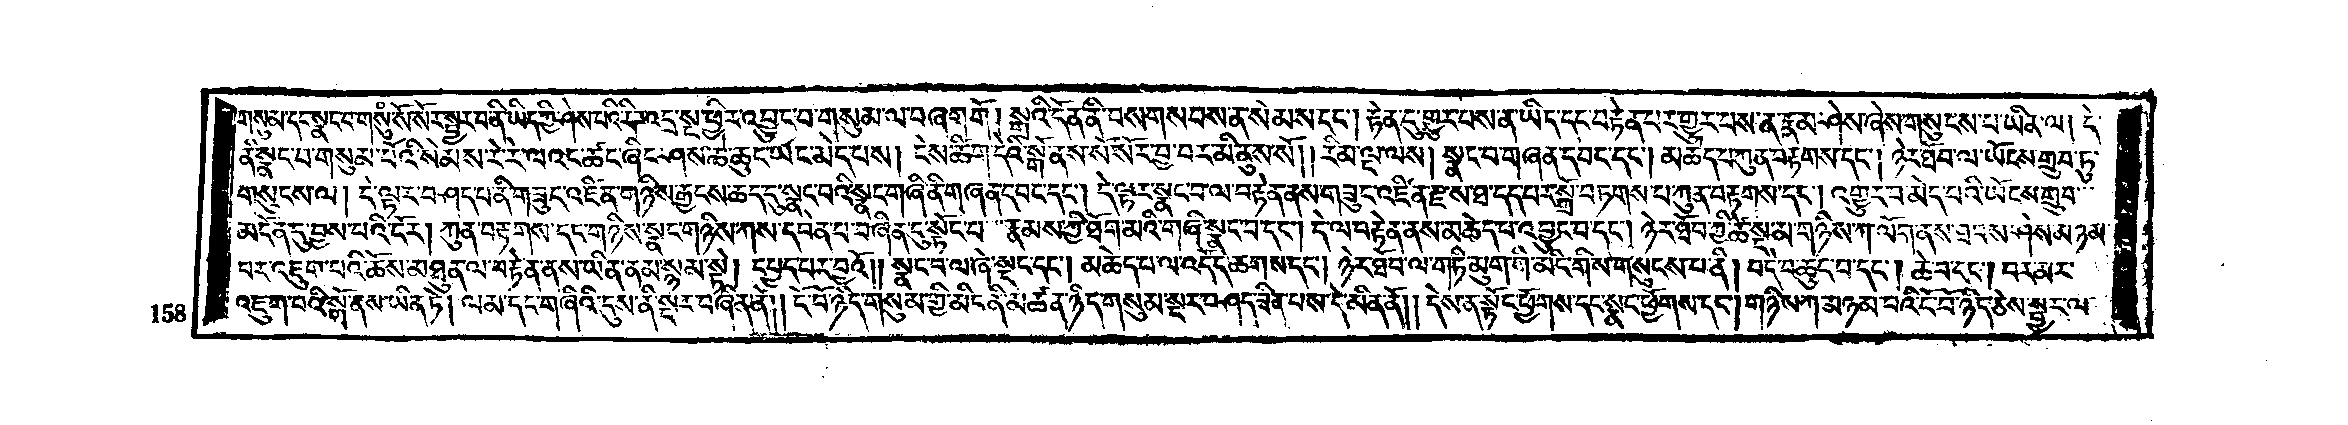གསུམ་དང་སྣང་བ་གསུམ་སོ་སོར་སྦྱར་བ་ནི་ཡིད་ཀྱི་ཤེས་པའི་རིགས་འདྲ་སྔ་ཕྱིར་འབྱུང་བ་གསུམ་ལ་བཞག་གོ །སྒྲའི་དོན་ནི་བསགས་པས་ན་སེམས་དང་། རྟེན་དུ་གྱུར་པས་ན་ཡིད་དང་བརྟེན་པར་གྱུར་པས་ན་རྣམ་ཤེས་ཞེས་གསུངས་པ་ཡིན་ལ། དེ་
ནི་སྣང་བ་གསུམ་པོའི་སེམས་རེ་རེ་ལའང་ཚང་ཞིང་ཤས་ཆེ་ཆུང་ཡང་མེད་པས། ངེས་ཚིག་དེའི་སྒོ་ནས་སོ་སོར་བྱ་བར་མི་ནུས་སོ། །རིམ་ལྔ་ལས། སྣང་བ་གཞན་དབང་དང་། མཆེད་པ་ཀུན་བརྟགས་དང་། ཉེར་ཐོབ་ལ་ཡོངས་གྲུབ་ཏུ་
གསུངས་ལ། དེ་ལྟར་བཤད་པ་ནི་གཟུང་འཛིན་གཉིས་རྒྱངས་ཆད་དུ་སྣང་བའི་སྣང་གཞི་ནི་གཞན་དབང་དང་། དེ་ལྟར་སྣང་བ་ལ་བརྟེན་ནས་གཟུང་འཛིན་རྫས་ཐ་དད་པར་སྒྲོ་བཏགས་པ་ཀུན་བརྟགས་དང་། འགྱུར་བ་མེད་པའི་ཡོངས་གྲུབ་
མངོན་དུ་བྱས་པའི་དོར། ?་ཀུན་བརྟགས་དང་གཉིས་སྣང་གཉིས་ཀས་དབེན་པ་བཞིན་དུ་སྟོང་པ་རྣམས་ཀྱི་ཐོག་མའི་གཞི་སྣང་བ་དང་། དེ་ལ་བརྟེན་ནས་མཆེད་པ་འབྱུང་བ་དང་། ཉེར་ཐོབ་ཀྱི་ཚེ་སྔ་མ་གཉིས་ཀ་ལོག་ནས་ཐབས་ཤེས་མཉམ་
པར་འཇུག་པའི་ཆོས་མཐུན་ལ་བརྟེན་ནས་ཡིན་ནམ་སྙམ་སྟེ། དཔྱད་པར་བྱའོ། །སྣང་བ་ལ་ཞེ་སྡང་དང་། མཆེད་པ་ལ་འདོད་ཆགས་དང་། ཉེར་ཐོབ་ལ་གཏི་མུག་གི་མིང་གིས་གསུངས་པ་ནི། བདེ་བ་ཆུང་བ་དང་། ཆེ་བ་དང་། བར་མར་
འཇུག་པའི་སྒོ་ནས་ཡིན་ཏེ། ལམ་དང་གཞིའི་དུས་ནི་སྔར་བཞིན་ནོ། །ངོ་བོ་ཉིད་གསུམ་གྱི་མིང་ནི་མཚན་ཉིད་གསུམ་སྔར་བཤད་ཟིན་པས་དེ་མིན་ནོ། །དེས་ན་སྟོང་ཕྱོགས་དང་སྣང་ཕྱོགས་དང་། གཉིས་ཀ་མཉམ་པའི་ངོ་བོ་ཉིད་ཅེས་སྦྱར་ལ་